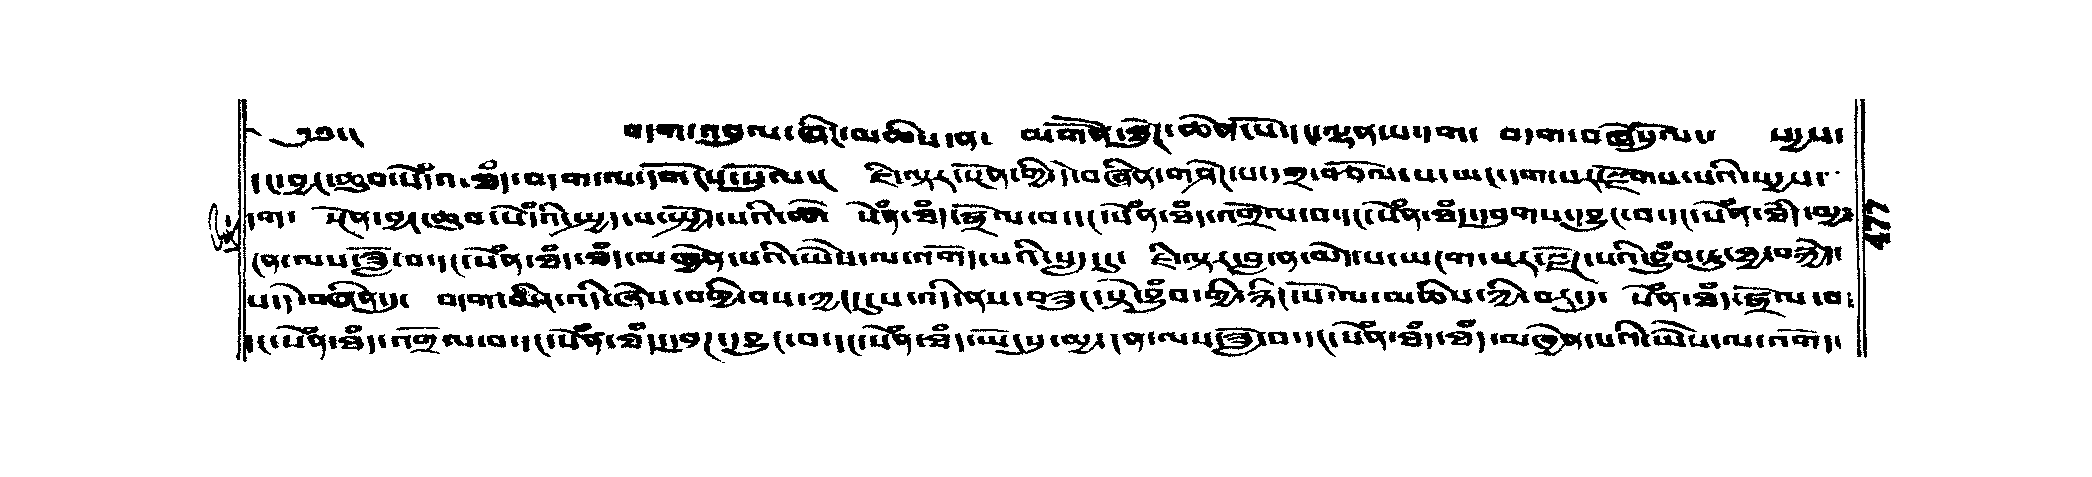བདག་འབུལ་ཞིང་མཆིས་ན། མགོན་པོ་ཐུགས་རྗེ་ཆེན་པོ་དང་ལྡན་པ་དག་།བདག་བཞེས་སུ་གསོལ། སངས་རྒྱས་
དང་བྱང་ཆུབ་སེམས་དཔའ་ཐམས་ཅད་བདག་ལ་དགོངས་སུ་གསོལ། ཇི་ལྟར་སྔོན་གྱི་བདེ་བཞིན་བཤེགས་པ་དགྲ་བཅོམ་པ་ཡང་དག་པར་རྫོགས་པའི་སངས་རྒྱས་
དག་ སྔོན་བྱང་ཆུབ་སེམས་དཔའི་སྤྱོད་པ་སྤྱད་པའི་ཚེ། སེམས་ཅན་ཐམས་ཅད་སྒྲོལ་བ་དང་སེམས་ཅན་ཐམས་ཅད་འགྲོལ་བ་དང་སེམས་ཅན་ཐམས་ཅད་དབུགས་དབྱུང་བ་དང་སེམས་ཅན་ཐམས་ཅད་མྱ་
ངན་ལས་ཟློ་བ་དང་སེམས་ཅན་ཐམས་ཅད་ཐམས་ཅད་མཁྱེན་པའི་ཡེ་ཤེས་ལ་འགོད་པའི་སླད་དུ། ཇི་ལྟར་བླ་ན་མེད་པ་ཡང་དག་པ་རྫོགས་པའི་བྱང་ཆུབ་ཏུ་ཐུགས་བསྐྱེད་
པ་དེ་བཞིན་དུ། བདག་མིང་འདི་ཞེས་བགྱི་བས་ཀྱང་དུས་འདི་ནས་བཟུང་སྟེ་བྱང་ཆུབ་ཀྱི་སྙིང་པོ་ལ་མཆིས་ཀྱི་བར་དུ། སེམས་ཅན་ཐམས་ཅད་སྒྲོལ་བ་
དང་སེམས་ཅན་ཐམས་ཅད་འགྲོལ་བ་དང་སེམས་ཅན་ཐམས་ཅད་དབྱུགས་དབྱུང་བ་དང་སེམས་ཅན་ཐམས་ཅད་ཡོངས་སུ་མྱ་ངན་ལས་ཟློ་བ་དང་སེམས་ཅན་ཐམས་ཅད་ཐམས་ཅད་མཁྱེན་པའི་ཡེ་ཤེས་ལ་འགོད་